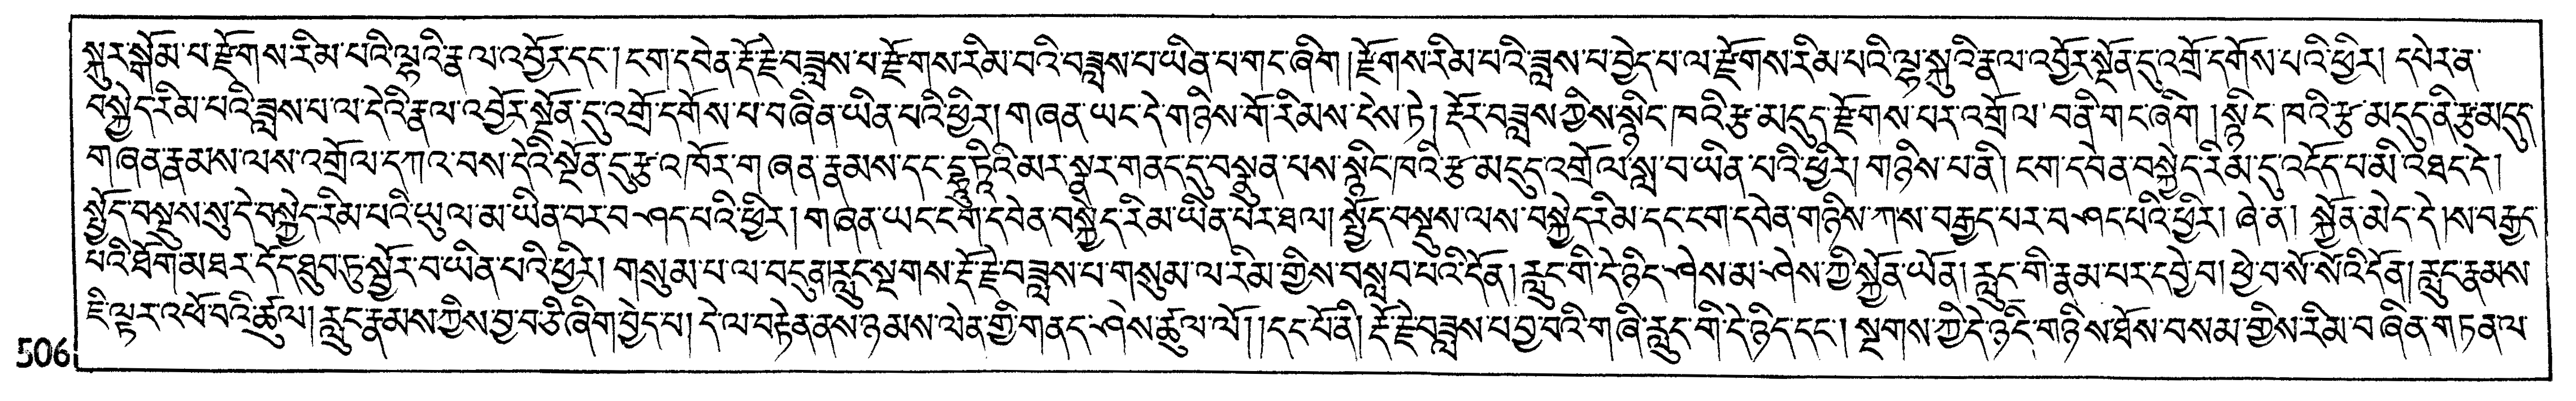སྐུར་སྒོམ་པ་རྫོགས་རིམ་པའི་ལྷའི་རྣལ་འབྱོར་དང་། ངག་དབེན་རྡོ་རྗེ་བཟླས་པ་རྫོགས་རིམ་པའི་བཟླས་པ་ཡིན་པ་གང་ཞིག །རྫོགས་རིམ་པའི་ཟླས་པ་བྱེད་པ་ལ་རྫོགས་རིམ་པའི་ལྷ་སྐུའི་རྣལ་འབྱོར་སྔོན་དུ་འགྲོ་དགོས་པའི་ཕྱིར། དཔེར་ན་
བསྐྱེད་རིམ་པའི་ཟླས་པ་ལ་དེའི་རྣལ་འབྱོར་སྔོན་དུ་འགྲོ་དགོས་པ་བཞིན་ཡིན་པའི་ཕྱིར། གཞན་ཡང་དེ་གཉིས་གོ་རིམས་ངེས་ཏེ། རྡོར་བཟླས་ཀྱིས་སྙིང་ཁའི་རྩ་མདུད་རྫོགས་པར་འགྲོལ་བ་ནི་གང་ཞིག །སྙིང་ཁའི་རྩ་མདུད་ནི་རྩ་མདུད་
གཞན་རྣམས་ལས་འགྲོལ་དཀའ་བས་དེའི་སྔོན་དུ་རྩ་འཁོར་གཞན་རྣམས་དང་དྷཱུ་ཏཱིའི་མར་སྣར་གནད་དུ་བསྣུན་པས་སྙིང་ཁའི་རྩ་མདུད་འགྲོལ་སླ་བ་ཡིན་པའི་ཕྱིར། གཉིས་པ་ནི། ངག་དབེན་བསྐྱེད་རིམ་དུ་འདོད་པ་མི་འཐད་དེ།
སྤྱོད་བསྡུས་སུ་དེ་བསྐྱེད་རིམ་པའི་ཡུལ་མ་ཡིན་པར་བཤད་པའི་ཕྱིར། གཞན་ཡང་ངག་དབེན་བསྐྱེད་རིམ་ཡིན་པར་ཐལ། སྤྱོད་བསྡུས་ལས་བསྐྱེད་རིམ་དང་ངག་དབེན་གཉིས་ཀ་ས་བརྒྱད་པར་བཤད་པའི་ཕྱིར། ཞེ་ན། སྐྱོན་མེད་དེ། ས་བརྒྱད་
པའི་ཐོག་མཐར་དོད་ཐུབ་ཏུ་སྦྱོར་བ་ཡིན་པའི་ཕྱིར། གསུམ་པ་ལ་བདུན། རླུང་སྔགས་རྡོ་རྗེ་བཟླས་པ་གསུམ་ལ་རིམ་གྱིས་བསླབ་པའི་དོན། རླུང་གི་དེ་ཉིད་ཤེས་མ་ཤེས་ཀྱི་སྐྱོན་ཡོན། རླུང་གི་རྣམ་པར་དབྱེ་བ། ཕྱེ་བ་སོ་སོའི་དོན། རླུང་རྣམས་
ཇི་ལྟར་འཕོ་བའི་ཚུལ། རླུང་རྣམས་ཀྱིས་བྱ་བ་ཅི་ཞིག་བྱེད་པ། དེ་ལ་བརྟེན་ནས་ཉམས་ལེན་གྱི་གནད་ཤེས་ཚུལ་ལོ། །དང་པོ་ནི། རྡོ་རྗེ་བཟླས་པ་བྱ་བའི་གཞི་རླུང་གི་དེ་ཉིད་དང་། སྔགས་ཀྱི་དེ་ཉིད་གཉིས་ཐོས་བསམ་གྱིས་རིམ་བཞིན་གཏན་ལ་